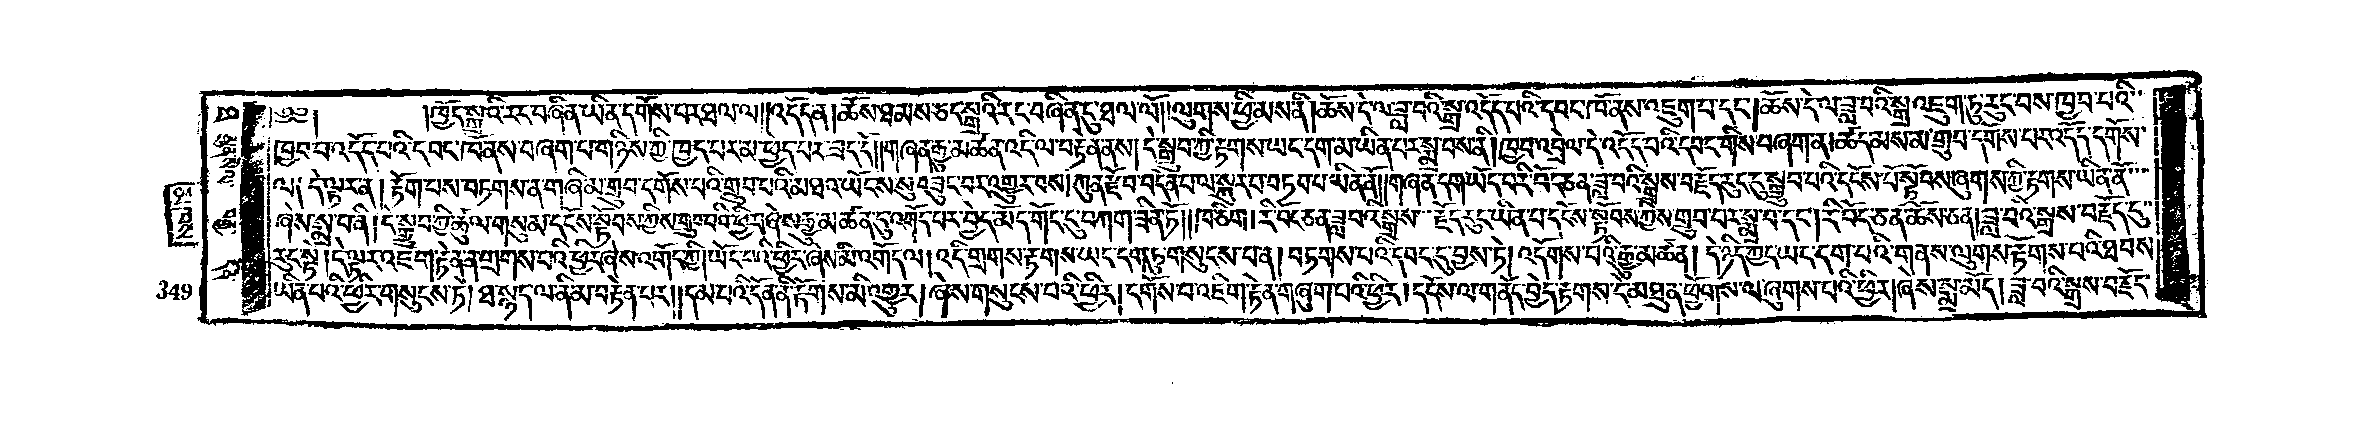༄༅། །ཁྱོད་སྒྲའི་རང་བཞིན་ཡིན་དགོས་པར་ཐལ་ལོ། །འདོད་ན། ཆོས་ཐམས་ཅད་སྒྲའི་རང་བཞིན་དུ་ཐལ་ལོ། །ལུགས་ཕྱི་མས་ནི། ཆོས་དེ་ལ་ཟླ་བའི་སྒྲ་འདོད་པའི་དབང་ཁོ་ནས་འཇུག་པ་དང་། ཆོས་དེ་ལ་ཟླ་བའི་སྒྲ་འཇུག་ཏུ་རུང་བས་ཁྱབ་པའི་
ཁྱབ་པ་འདོད་པའི་དབང་ཁོ་ནས་བཞག་པ་གཉིས་ཀྱི་ཁྱད་པར་མ་ཕྱེད་པར་ཟད་དོ། །གཞན་རྒྱུ་མཚན་འདི་ལ་བརྟེན་ནས། དེ་སྒྲུབ་ཀྱི་རྟགས་ཡང་དག་མ་ཡིན་པར་སྨྲ་བས་ནི། ཁྱབ་འབྲེལ་དེ་འདོད་པའི་དབང་གིས་བཞག་ན། ཚད་མས་མ་གྲུབ་དགོས་པར་འདོད་དགོས་
ལ། དེ་ལྟར་ན། རྟོག་པས་བཏགས་ན་གཞི་མ་གྲུབ་དགོས་པའི་གྲུབ་པའི་མཐའ་ཡོངས་སུ་བཟུང་བར་འགྱུར་བས། ཀུན་རྫོབ་བདེན་པ་ལ་སྐུར་བ་བཏབ་པ་ཡིན་ནོ། །གཞན་དག་ཡོད་པ་རི་བོང་ཅན་ཟླ་བའི་སྒྲས་བརྗོད་རུང་དུ་སྒྲུབ་པའི་དངོས་པོ་སྟོབས་ཞུགས་ཀྱི་རྟགས་ཡིན་ནོ་
ཞེས་སྨྲ་བ་ནི། དེ་སྒྲུབ་ཀྱི་ཚུལ་གསུམ་དངོས་སྟོབས་ཀྱིས་གྲུབ་པའི་ཕྱིར། ཞེས་རྒྱུ་མཚན་དུ་འགོད་པར་བྱེད་མོད་གོང་དུ་བཀག་ཟིན་ཏོ། །ཁ་ཅིག །རི་བོང་ཅན་ཟླ་བའི་སྒྲས་བརྗོད་རུང་ཡིན་པ་དངོས་སྟོབས་ཀྱིས་གྲུབ་པར་སྨྲ་བ་དང་། རི་བོང་ཅན་ཆོས་ཅན། ཟླ་བའི་སྒྲས་བརྗོད་དུ་
རུང་སྟེ། དེ་ལྟར་འཇིག་རྟེན་ན་གྲགས་པའི་ཕྱིར་ཞེས་འགོད་ཀྱི། ཡོད་པའི་ཕྱིར་ཞེས་མི་འགོད་ལ། འདི་གྲགས་རྟགས་ཡང་དག་ཏུ་གསུངས་པ་ནི། བཏགས་པའི་དབང་དུ་བྱས་ཏེ། འདོགས་པའི་རྒྱུ་མཚན། དེ་ཉིད་ཀྱང་ཡང་དག་པའི་གནས་ལུགས་རྟོགས་པའི་ཐབས་
ཡིན་པའི་ཕྱིར་གསུངས་ཏེ། ཐ་སྙད་ལ་ནི་མ་བརྟེན་པར། །དམ་པའི་དོན་ནི་རྟོགས་མི་འགྱུར། ཞེས་གསུངས་པའི་ཕྱིར། དགོས་པ་འཇིག་རྟེན་གཞུག་པའི་ཕྱིར། དངོས་ལ་གནོད་བྱེད་རྟགས་དེ་མཐུན་ཕྱོགས་ལ་ཞུགས་པའི་ཕྱིར། ཞེས་སྨྲ་མོད། ཟླ་བའི་སྒྲས་བརྗོད་